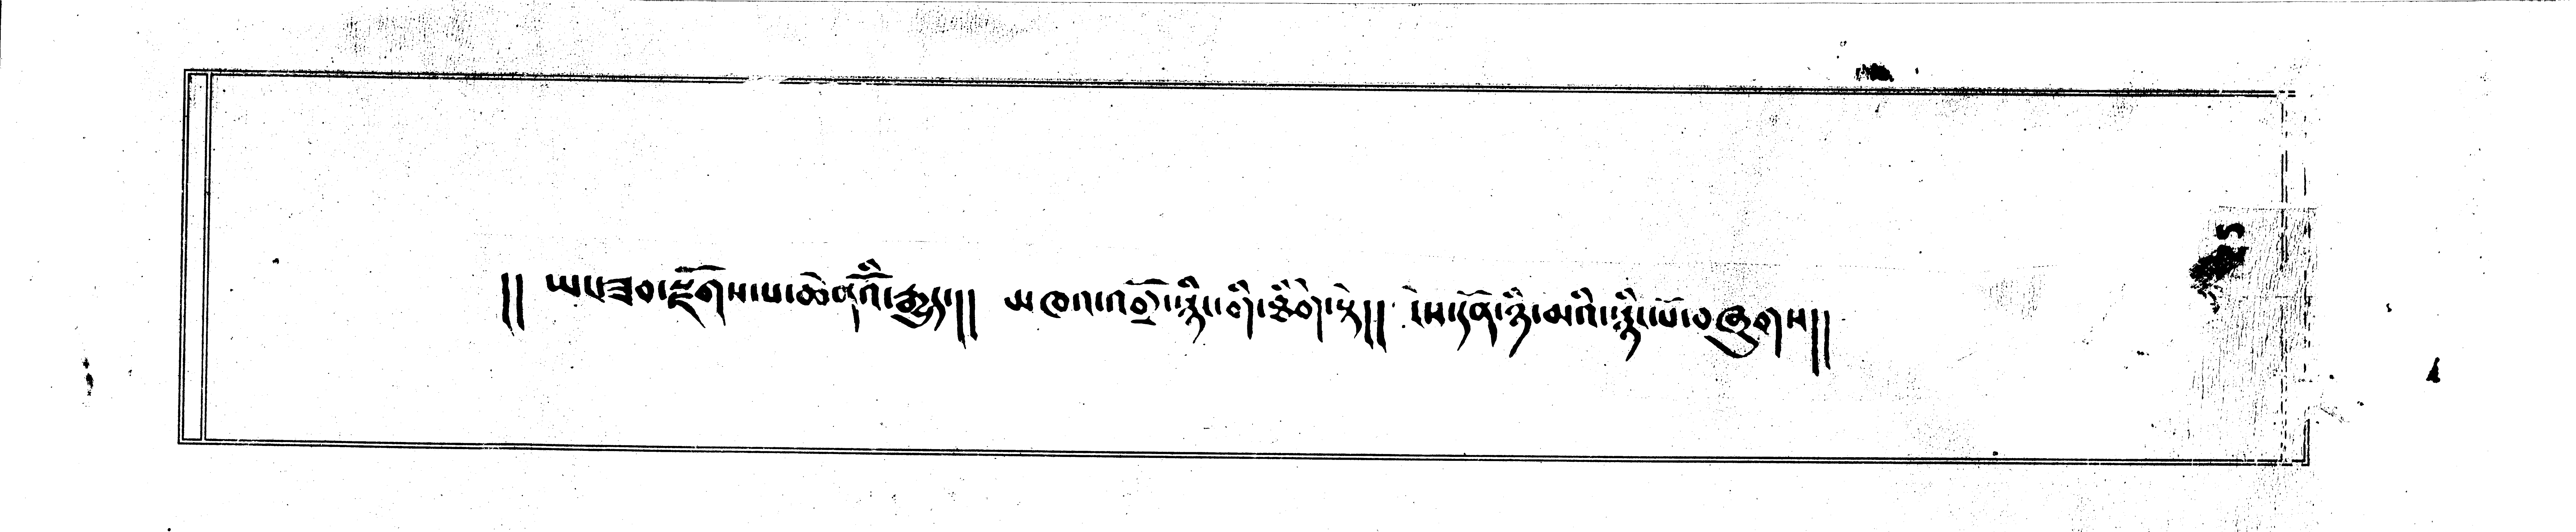ཡང་ཟབ་རྫོགས་པ་ཆེན་པོའི་རྒྱུད། མཁའ་འགྲོ་སྙིང་གི་ཐིག་ལེ་སྟེ། །ངེས་དོན་ཉི་མའི་སྙིང་པོ་བཞུགས། །